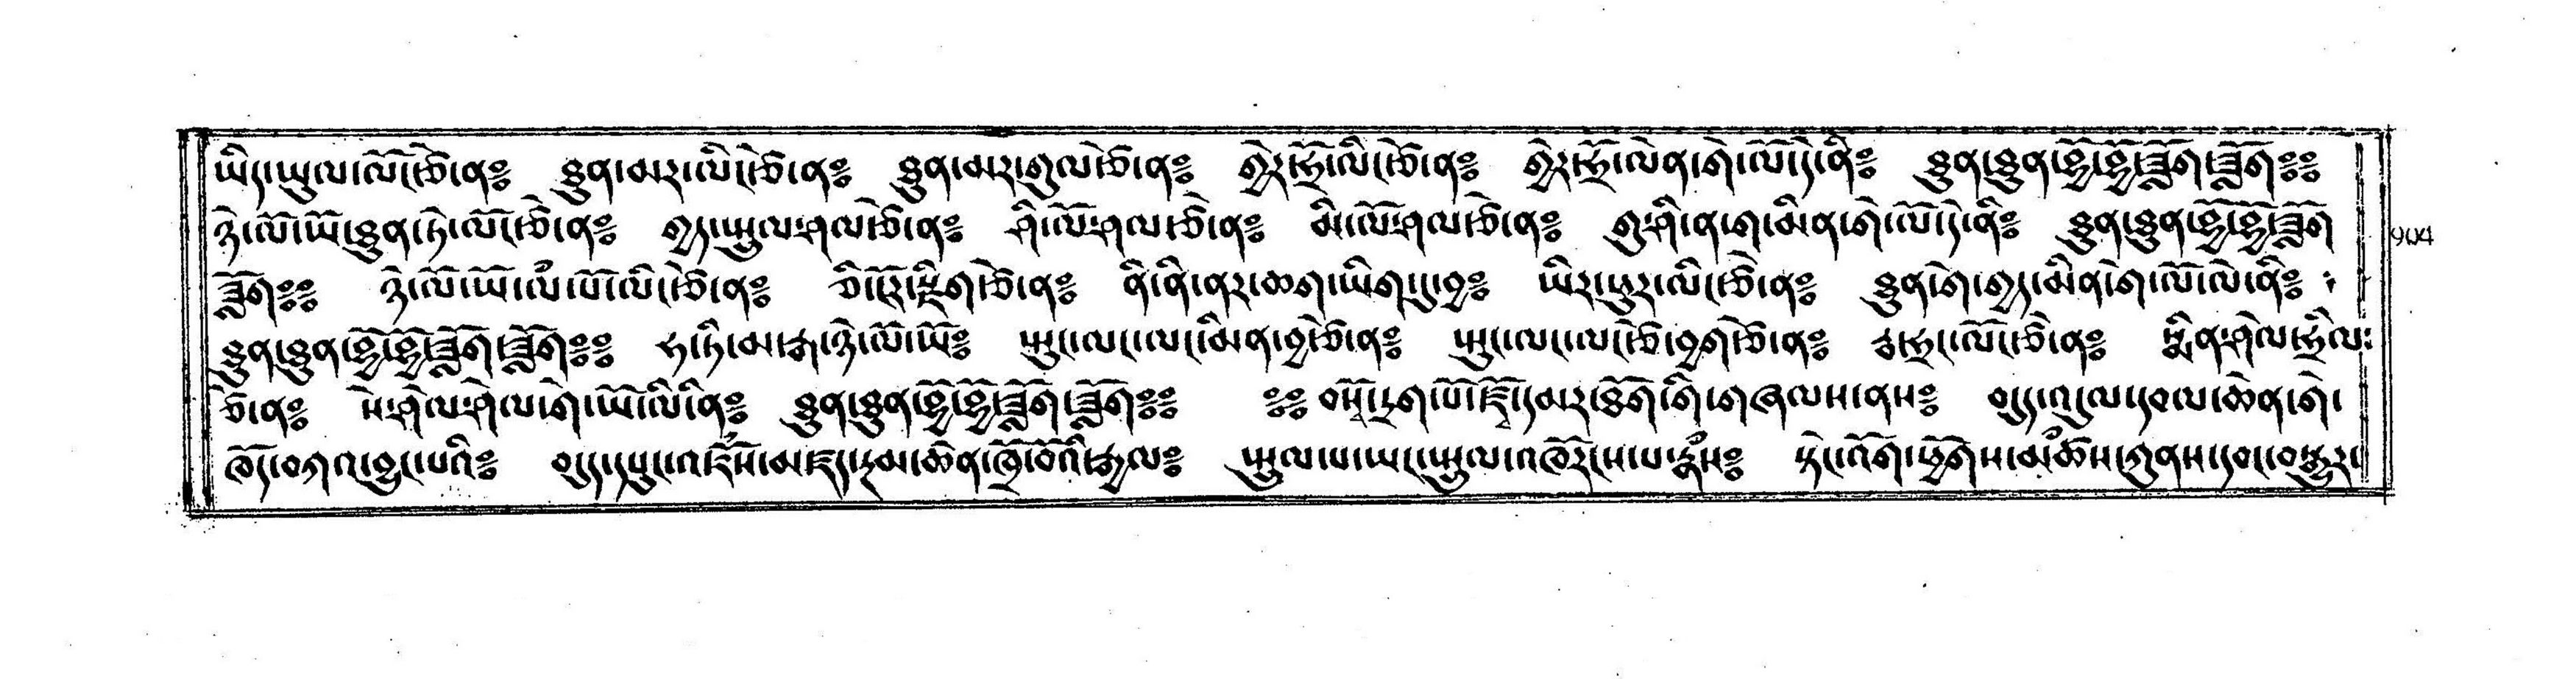ཡིད་ཡུལ་ལོང་ཙེ་ན༔ ཐུན་མར་ལིང་ཙེ་ན༔ ཐུན་མར་གུལ་ཙེ་ན༔ གྱེར་ཧྲོ་ལིང་ཙེ་ན༔ གྱེར་ཧྲོ་ལེན་གེ་ལོ་དེ་ནི༔ ཐུན་ཐུན་བྷྱོ་བྷྱོ་ཟློག་ཟློག༔༔ 
ཉེ་ལོ་ཡོ་ཐུན་ཏེ་ལོང་ཙེ་ན༔ གྱད་སྤྲུལ་ཤལ་ཙེ་ན༔ ཤི་ལོ་ཤལ་ཙེ་ན༔ མི་ལོ་ཤལ་ཙེ་ན༔ གུ་ཤི་ན་ག་མིན་གེ་ལོ་དེ་ནི༔ ཐུན་ཐུན་བྷྱོ་བྷྱོ་ཟློག་
ཟློག༔ ཉེ་ལོ་ཡོ་ལམ་པོ་ལིང་ཙེ་ན༔ ཅི་ངོར་རྫིག་ཙེ་ན༔ ནི་ནི་ནར་ཆག་ཡིག་དུ་བྱ༔ ཡིར་ཕུར་ལིང་ཙེ་ན༔ ཐུན་གེ་གྱད་མིན་གེ་ལོ་ལེ་ནི༔ 
ཐུན་ཐུན་བྷྱོ་བྷྱོ་ཟློག་ཟློག༔༔ ཧ་ཏི་མ་རྒ་ཉེ་ལོ་ཡོ༔ སྤུང་ལང་ལང་མིན་བྱ་ཙེ་ན༔ སྤུང་ལང་ལང་ཙེ་བྱག་ཙེ་ན༔ རྦ་ཧྲང་ལོང་ཙེ་ན༔ སྨིན་ཤེལ་ཧྲིལ་
ཙེ་ན༔ སེ་ཤེལ་ཤེལ་གེ་ཡོ་ལི་ནི༔ ཐུན་ཐུན་བྷྱོ་བྷྱོ་ཟློག་ཟློག༔༔ ༔༔བསྭོ་དྲག་པོ་ཛྭོ་དམར་ཐོག་གི་གཞལ་ཡས་ནས༔ བདུད་འདུལ་དབལ་ཆེན་གེ་
ཁོད་བཀའ་འབྱུང་པའི༔ བདུད་དཔུང་འཇོམས་མཛད་རྔམ་ཆེན་ཁྲོ་བོའི་རྒྱལ༔ སྤྲུལ་པ་ཡང་སྤྲུལ་འཁོར་དང་བཅས་པ་རྣམས༔ སྟེང་འོག་ཕྱོགས་མཚམས་ཀུན་ནས་དབང་བསྒྱུར་